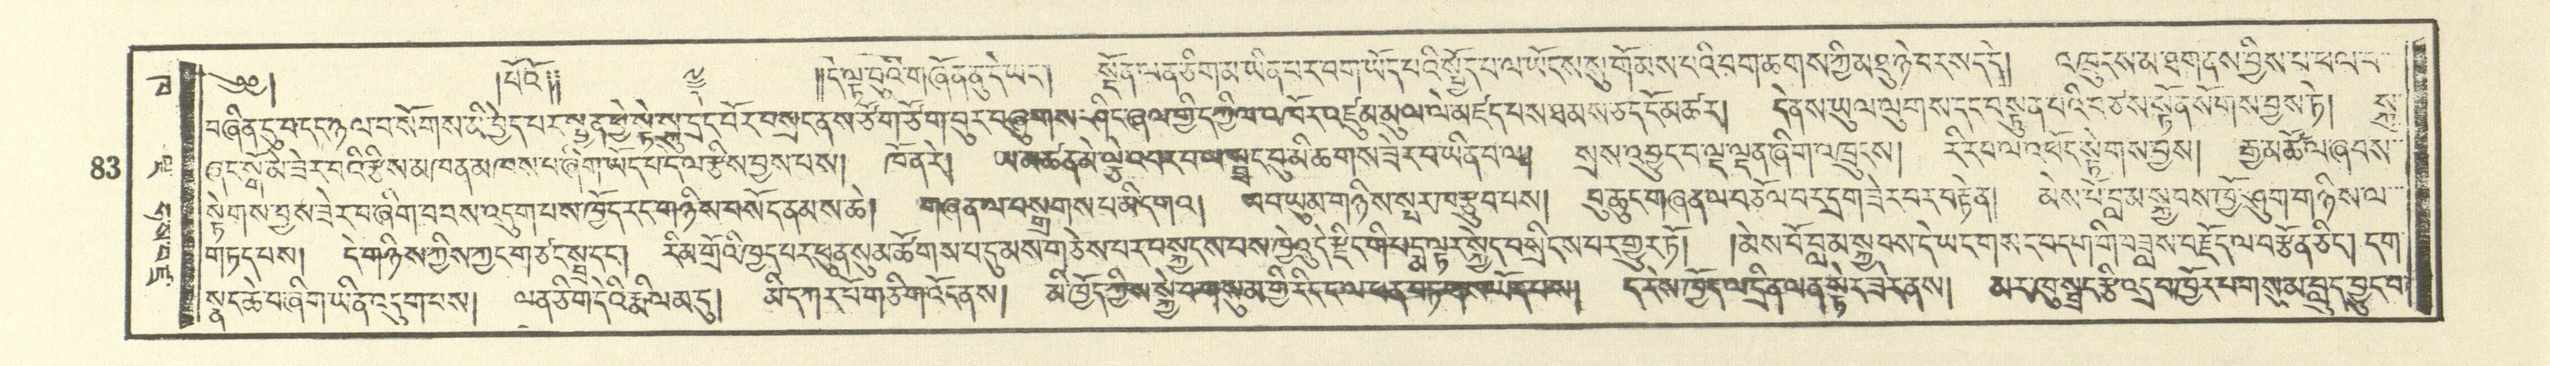༄༅། །པོའོ༑༑ ༈ །།དེ་ལྟ་བུའི་གཞོན་ནུ་དེ་ཡང་། སྔོན་ལན་ཅིག་མ་ཡིན་པར་བག་ཡོད་པའི་སྤྱོད་པ་ལ་ཡོངས་སུ་གོམས་པའི་བག་ཆགས་ཀྱི་མཐུ་ཉེ་བར་སད་དེ། འཁྲུངས་མ་ཐག་ནས་བྱིས་པ་ཕལ་བ་
བཞིན་དུ་བ་དང་ཉལ་བ་སོགས་མི་བྱེད་པར་སྤྱན་ཕྱེ་སྟེ་སྐུ་དྲང་པོར་བསྲང་ནས་ཙོག་ཙོག་བུར་བཞུགས་ཤིང་ཞལ་གྱི་དཀྱིལ་འཁོར་འཛུམ་མུལ་ལེ་མཛད་པས་ཐམས་ཅད་ངོ་མཚར། དེ་ནས་ཡུལ་ལུགས་དང་བསྟུན་པའི་བཅས་སྟོན་སོགས་བྱས་ཏེ། སྐུ་
ཞང་སྒོ་མེ་ཟེར་བའི་རྩིས་མཁན་མཁས་པ་ཞིག་ཡོད་པ་དེ་ལ་རྩིས་བྱས་པས། ཁོ་ན་རེ། ཡ་མཚན་མེ་ལྕེ་འབར་བ་ལ་སྦྲང་བུ་མི་ཆགས་ཟེར་བ་ཡིན་པ་ལ། སྲས་འབྱུང་བ་ལྔ་ལྡན་ཞིག་འཁྲུངས། རི་རབ་ལ་འཕོང་སྟེགས་བྱས། རྒྱ་མཚོ་ལ་ཞབས་
སྟེགས་བྱས་ཟེར་བ་ཞིག་བབས་འདུག་པས་ཁྱོད་རང་གཉིས་བསོད་ནམས་ཆེ། གཞན་ལ་བསྒྲགས་པ་མི་དགའ། ཡབ་ཡུམ་གཉིས་སྤར་ཁ་རྩུབ་པས། བུ་ཆུང་གཞན་ལ་བཅོལ་བར་དྲག་ཟེར་བར་བརྟེན། མེས་པོ་བླ་མ་སྐྱབས་ཁྱོ་ཤུག་གཉིས་ལ་
གཏད་པས། དེ་གཉིས་ཀྱིས་ཀྱང་གཙང་སྦྲ་དང་། རིམ་གྲོའི་ཁྱད་པར་ཕུན་སུམ་ཚོགས་པ་དུ་མས་གཅེས་པར་བསྐྱངས་པས་ཁྱེའུ་དེ་རྫིང་གི་པདམ་ལྟར་སྐྱེད་བསྲིངས་པར་གྱུར་ཏོ། །མེས་པོ་བླ་མ་སྐྱབས་དེ་ཡང་གསང་བདག་གི་བཟླས་བརྗོད་ལ་བརྩོན་ཅིང་། དག་
སྣང་ཆེ་པ་ཞིག་ཡིན་འདུག་པས། ལན་ཅིག་དེའི་རྨི་ལམ་དུ། མི་དཀར་པོ་གཅིག་འོང་ནས། མི་ཁྱོད་ཀྱིས་སྐྱེ་བ་གསུམ་གྱི་རིང་ང་ལ་ཕན་བཏགས་ཡོད་པས། ད་རེས་ཁྱོད་ལ་དྲིན་ལན་སྟེར་ཟེར་ནས། མར་ཁུ་སྦྲང་རྩི་འདྲ་བ་ཁྱོར་པ་གསུམ་བླུད་བྱུང་བ་